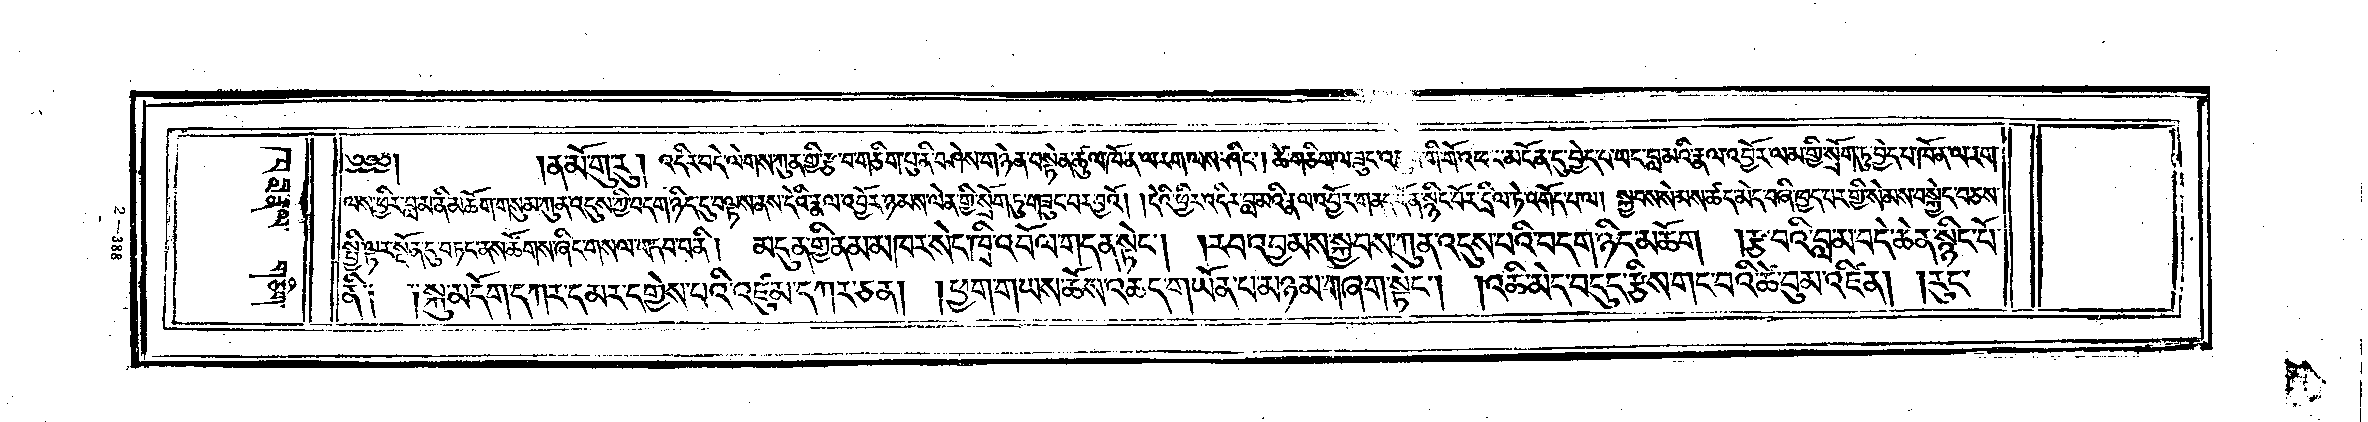༄༅༅། །ན་མོ་གུ་རུ། འདིར་བདེ་ལེགས་ཀུན་གྱི་རྩ་བ་གཅིག་པུ་ནི་བཤེས་གཉེན་བསྟེན་ཚུལ་ཁོ་ན་ལ་རག་ལས་ཤིང་། ཚེ་གཅིག་ལ་ཟུང་འཇུག་གི་གོ་འཕང་མངོན་དུ་བྱེད་པ་ཡང་བླ་མའི་རྣལ་འབྱོར་ལམ་གྱི་སྲོག་ཏུ་བྱེད་པ་ཁོ་ན་ལ་རག་
ལས་ཕྱིར་བླ་མ་ནི་མཆོག་གསུམ་ཀུན་འདུས་ཀྱི་བདག་ཉིད་དུ་བལྟས་ནས་དེའི་རྣལ་འབྱོར་ཉམས་ལེན་གྱི་སྲོག་ཏུ་གཟུང་བར་བྱའོ། །དེའི་ཕྱིར་འདིར་བླ་མའི་རྣལ་འབྱོར་གདན་དོན་སྙིང་པོར་དྲིལ་ཏེ་འགོད་པ་ལ། སྐྱབས་སེམས་ཚད་མེད་བཞི་ཁྱད་པར་གྱི་སེམས་བསྐྱེད་བཅས་
སྤྱི་ལྟར་སྔོན་དུ་བཏང་ནས་ཚོགས་ཞིང་གསལ་གདབ་པ་ནི། མདུན་གྱི་ནམ་མཁར་སེང་ཁྲི་འབོལ་གདན་སྟེང་། །རབ་འབྱམས་སྐྱབས་ཀུན་འདུས་པའི་བདག་ཉིད་མཆོག །རྩ་བའི་བླ་མ་བདེ་ཆེན་སྙིང་པོ་
ནི༑ ༑སྐུ་མདོག་དཀར་དམར་དགྱེས་པའི་འཛུམ་དཀར་ཅན། །ཕྱག་གཡས་ཆོས་འཆད་གཡོན་པ་མཉམ་གཞག་སྟེང་། །འཆི་མེད་བདུད་རྩིས་གང་བའི་ཚེ་བུམ་འཛིན། །རུང་